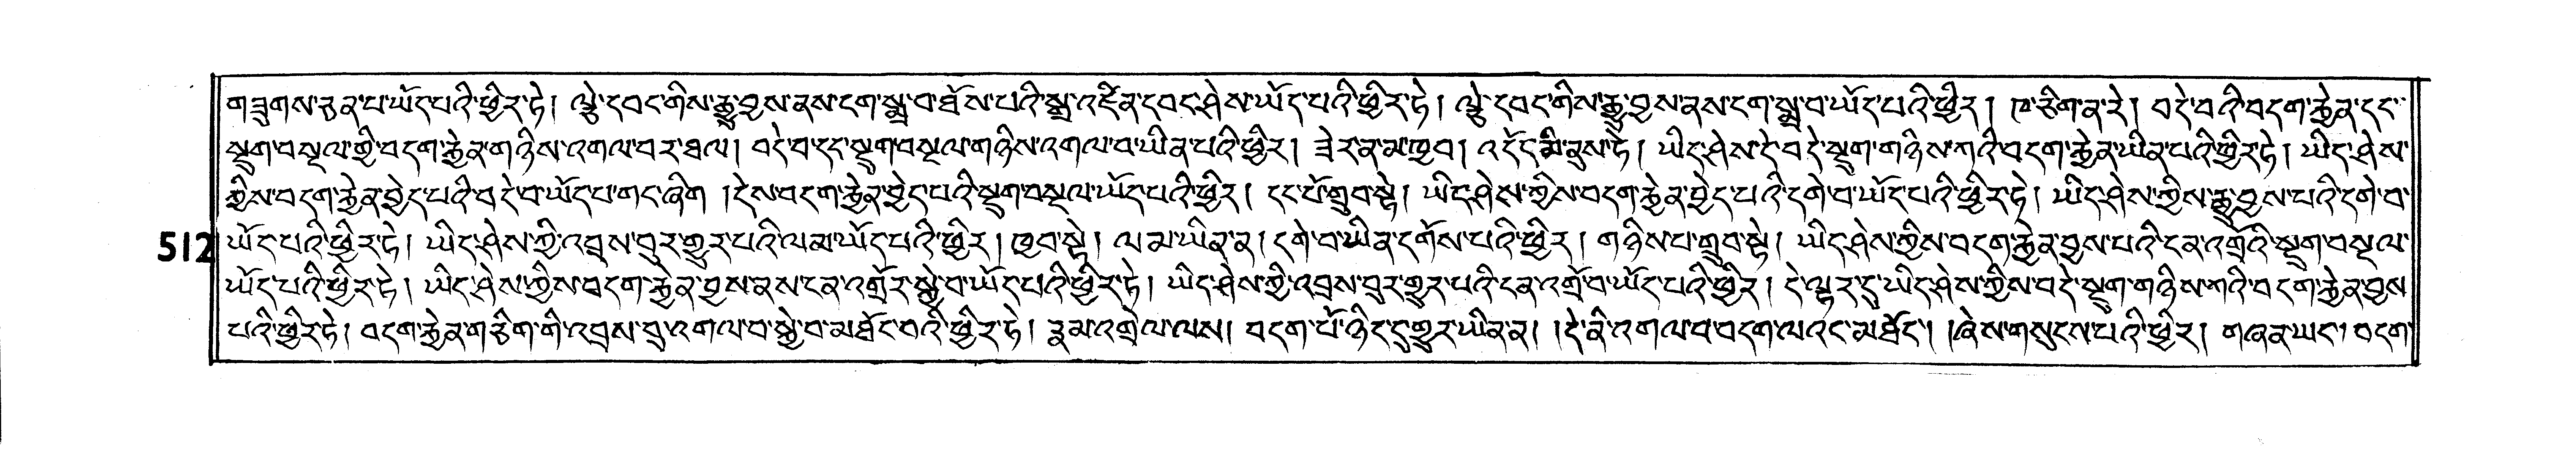གཟུགས་ཅན་པ་ཡོད་པའི་ཕྱིར་ཏེ། ལྕེ་དབང་གིས་རྒྱུ་བྱས་ནས་ངག་སྨྲ་བ་ཐོས་པའི་སྒྲ་འཛིན་དབང་ཤེས་ཡོད་པའི་ཕྱིར་ཏེ། ལྕེ་དབང་གིས་རྒྱུ་བྱས་ནས་ངག་སྨྲ་བ་ཡོད་པའི་ཕྱིར། ཁ་ཅིག་ན་རེ། བདེ་བའི་བདག་རྐྱེན་དང་
སྡུག་བསྔལ་གྱི་བདག་རྐྱེན་གཉིས་འགལ་བར་ཐལ། བདེ་བ་དང་སྡུག་བསྔལ་གཉིས་འགལ་བ་ཡིན་པའི་ཕྱིར། ཟེར་ན་མ་ཁྱབ། འདོད་མི་ནུས་ཏེ། ཡིད་ཤེས་དེ་བདེ་སྡུག་གཉིས་ཀའི་བདག་རྐྱེན་ཡིན་པའི་ཕྱིར་ཏེ། ཡིད་ཤེས་
ཀྱིས་བདག་རྐྱེན་བྱེད་པའི་བདེ་བ་ཡོད་པ་གང་ཞིག །དེས་བདག་རྐྱེན་བྱེད་པའི་སྡུག་བསྔལ་ཡོད་པའི་ཕྱིར། དང་པོ་གྲུབ་སྟེ། ཡིད་ཤེས་ཀྱིས་བདག་རྐྱེན་བྱེད་པའི་དགེ་བ་ཡོད་པའི་ཕྱིར་ཏེ། ཡིད་ཤེས་ཀྱིས་རྒྱུ་བྱས་པའི་དགེ་བ་
ཡོད་པའི་ཕྱིར་ཏེ། ཡིད་ཤེས་ཀྱི་འབྲས་བུར་གྱུར་པའི་ལམ་ཡོད་པའི་ཕྱིར། ཁྱབ་སྟེ། ལམ་ཡིན་ན། དགེ་བ་ཡིན་དགོས་པའི་ཕྱིར། གཉིས་པ་གྲུབ་སྟེ། ཡིད་ཤེས་ཀྱིས་བདག་རྐྱེན་བྱས་པའི་ངན་འགྲོའི་སྡུག་བསྔལ་
ཡོད་པའི་ཕྱིར་ཏེ། ཡིད་ཤེས་ཀྱིས་བདག་རྐྱེན་བྱས་ནས་ངན་འགྲོར་སྐྱེ་བ་ཡོད་པའི་ཕྱིར་ཏེ། ཡིད་ཤེས་ཀྱི་འབྲས་བུར་གྱུར་པའི་ངན་འགྲོ་བ་ཡོད་པའི་ཕྱིར། དེ་ལྟར་དུ་ཡིད་ཤེས་ཀྱིས་བདེ་སྡུག་གཉིས་ཀའི་བདག་རྐྱེན་བྱས་
པའི་ཕྱིར་ཏེ། བདག་རྐྱེན་གཅིག་གི་འབྲས་བུ་འགལ་བ་སྐྱེ་བ་མཐོང་བའི་ཕྱིར་ཏེ། རྣམ་འགྲེལ་ལས། བདག་པོ་ཉིད་དུ་གྱུར་ཡིན་ན། །དེ་ནི་འགལ་བ་བདག་ལའང་མཐོང་། །ཞེས་གསུངས་པའི་ཕྱིར། གཞན་ཡང་། བདག་